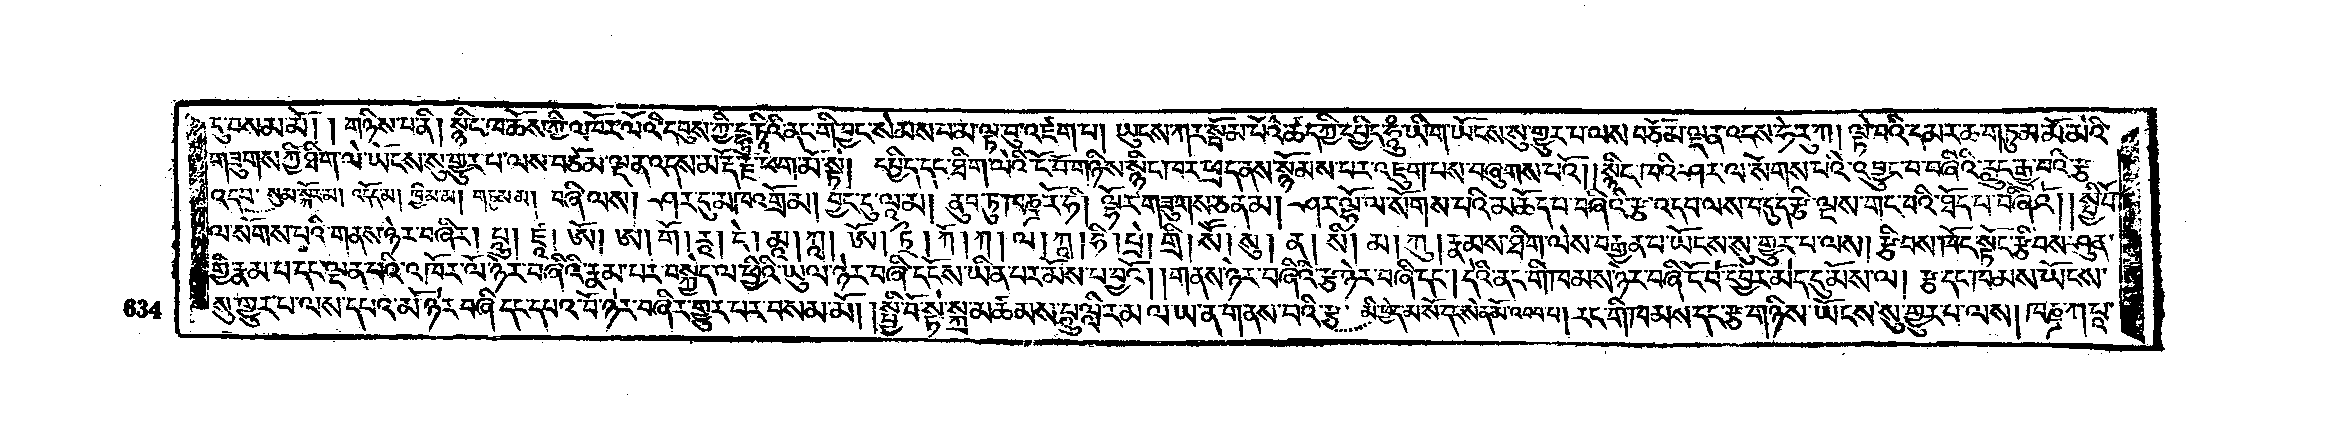དུ་བསམ་མོ། །གཉིས་པ་ནི། སྙིང་ཁ་ཆོས་ཀྱི་འཁོར་ལོའི་དབུས་ཀྱི་དྷཱ་ཏཱི་ནང་གི་བྱང་སེམས་པ་མ་ལྟ་བུ་འཛག་པ། ཡུངས་ཀར་སྦོམ་པོའི་ཚད་ཀྱི་དཔྱིད་ཧཱུཾ་ཡིག་ཡོངས་སུ་གྱུར་པ་ལས་བཅོམ་ལྡན་འདས་ཧེ་རུ་ཀ། ལྟེ་བའི་དམར་ཆ་གཏུམ་མོ་མེའི་
གཟུགས་ཀྱི་ཐིག་ལེ་ཡོངས་སུ་གྱུར་པ་ལས་བཅོམ་ལྡན་འདས་མ་རྡོ་རྗེ་ཕག་མོ་སྟེ། དཔྱིད་དང་ཐིག་ལེའི་ངོ་བོ་གཉིས་སྙིང་ཁར་ཕྲད་ནས་སྙོམས་པར་འཇུག་པས་བཞུགས་པའོ། །སྙིང་ཁའི་ཤར་ལ་སོགས་པའི་འབྱུང་བ་བཞིའི་རླུང་རྒྱུ་བའི་རྩ་
འདབ་སུམ་སྐོར་མ། འདོད་མ། ཁྱིམ་མ། གཏུམ་མ། བཞི་ལས། ཤར་དུ་མཁའ་འགྲོ་མ། བྱང་དུ་ལཱ་མ། ནུབ་ཏུ་ཁཎྜ་རོ་ཧི། ལྷོར་གཟུགས་ཅན་མ། ཤར་ལྷོ་ལ་སོགས་པའི་མཆོད་པ་བཞིའི་རྩ་འདབ་ལས་བདུད་རྩི་ལྔས་གང་བའི་ཐོད་པ་བཞིའོ། །སྤྱི་བོ་
ལ་སོགས་པའི་གནས་ཉེར་བཞིར། པཱུ། ཛཱ། ཨོ། ཨ། གོ། རཱ། དེ། མཱ། གྐཱ། ཨོ། ཏྲྀ། ཀོ། ཀ། ལ། ཀཱ། ཧི། པྲེ། གྲི། སཽ། སུ། ན། སི། མ། ཀུ། རྣམས་ཐིག་ལེས་བརྒྱན་པ་ཡོངས་སུ་གྱུར་པ་ལས། རྩིབས་ཁོང་སྟོང་རྩིབས་ཤུན་
གྱི་རྣམ་པ་དང་ལྡན་པའི་འཁོར་ལོ་ཉེར་བཞིའི་རྣམ་པར་བསྐྱེད་ལ་ཕྱིའི་ཡུལ་ཉེར་བཞི་དངོས་ཡིན་པར་མོས་པ་བྱའོ། །གནས་ཉེར་བཞིའི་རྩ་ཉེར་བཞི་དང་། དེའི་ནང་གི་ཁམས་ཉེར་བཞི་ངོ་བོ་དབྱེར་མེད་དུ་མོས་ལ། རྩ་དང་ཁམས་ཡོངས་
སུ་གྱུར་པ་ལས་དཔའ་མོ་ཉེར་བཞི་དང་དཔའ་བོ་ཉེར་བཞིར་གྱུར་པར་བསམ་མོ། །སྤྱི་བོ་སྟེ་སྐྲ་མཚམས་པཱུ་ལླིར་མ་ལ་ཡ་ན་གནས་པའི་རྩ་མི་ཕྱེད་མ་སོ་དང་སེན་མོ་འབབ་པ།  རང་གི་ཁམས་དང་རྩ་གཉིས་ཡོངས་སུ་གྱུར་བ་ལས། ཁཎྜ་ཀ་པཱ་